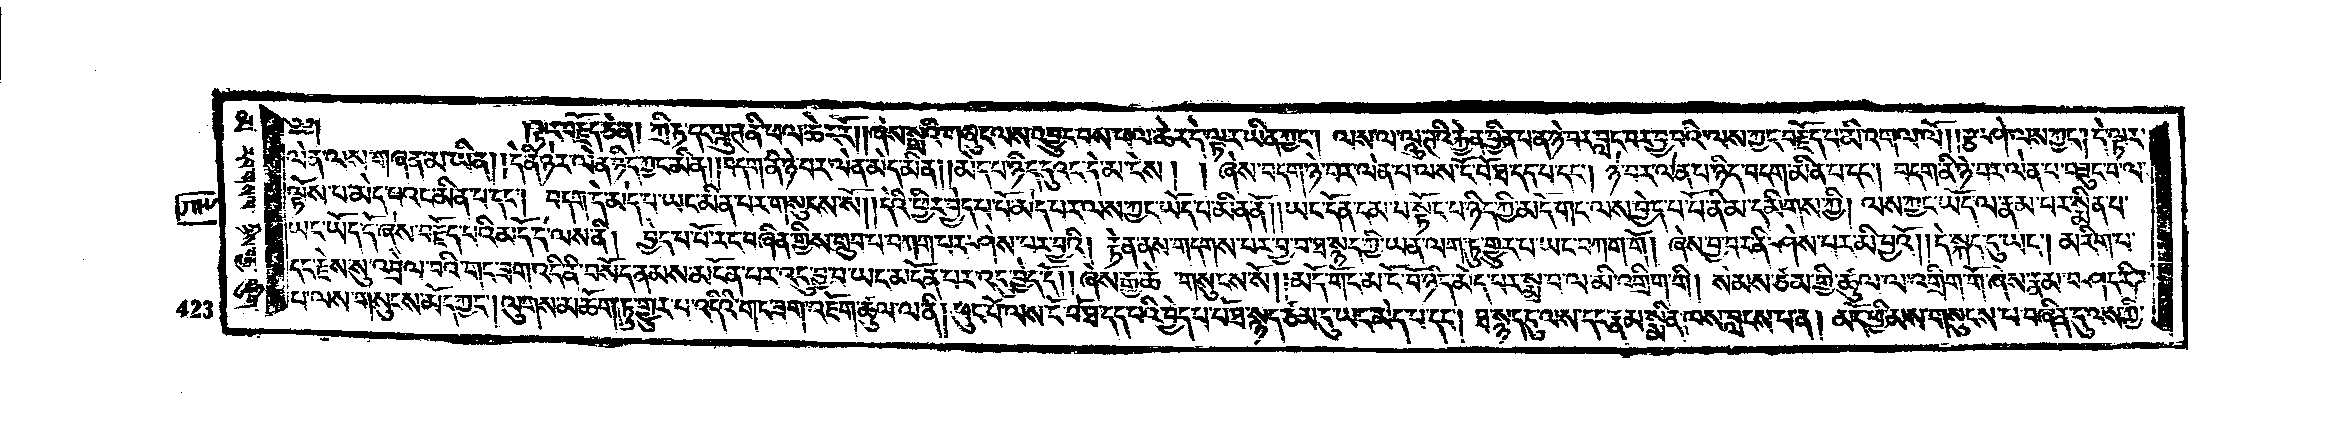༄༅། །ལྟར་བརྗོད་ཅེ་ན། ཀྲི་ཏ་དང་ལཱུ་ཊ་ནི་ཕལ་ཆེར་རོ། །ཞེས་སྒྲའི་གཞུང་ལས་འབྱུང་བས་ཕལ་ཆེར་དེ་ལྟར་ཡིན་ཀྱང་། ལས་ལ་ལཱུ་ཊའི་རྐྱེན་བྱིན་པ་ན་ཉེ་བར་བླང་བར་བྱ་བའི་ལས་ཀྱང་བརྗོད་པ་མི་འགལ་ལོ། །རྩ་ཤེ་ལས་ཀྱང་། དེ་ལྟར་
ལེན་ལས་གཞན་མ་ཡིན། །དེ་ནི་ཉེར་ལེན་ཉིད་ཀྱང་མིན། །བདག་ནི་ཉེ་བར་ལེན་མེད་མིན། །མེད་པ་ཉིད་དུའང་དེ་མ་ངེས། །ཞེས་བདག་ཉེ་བར་ལེན་པ་ལས་ངོ་བོ་ཐ་དད་པ་དང་། ཉེ་བར་ལེན་པ་ཉིད་བདག་མིན་པ་དང་། བདག་ནི་ཉེ་བར་ལེན་པ་བཟུང་བ་ལ་
ལྟོས་པ་མེད་པའང་མིན་པ་དང་། བདག་དེ་མེད་པ་ཡང་མིན་པར་གསུངས་སོ། །དེའི་ཕྱིར་བྱེད་པ་པོ་མེད་པར་ལས་ཀྱང་ཡོད་པ་མིན་ནོ། །ཡང་དོན་དམ་པ་སྟོང་པ་ཉིད་ཀྱི་མདོ་གང་ལས་བྱེད་པ་པོ་ནི་མ་དམིགས་ཀྱི། ལས་ཀྱང་ཡོད་ལ་རྣམ་པར་སྨིན་པ་
ཡང་ཡོད་དོ་ཞེས་བརྗོད་པའི་མདོ་དེ་ལས་ནི། བྱེད་པ་པོ་རང་བཞིན་གྱིས་གྲུབ་པ་བཀག་པར་ཤེས་པར་བྱའི། རྟེན་ནས་གདགས་པར་བྱ་བ་ཐ་སྙད་ཀྱི་ཡན་ལག་ཏུ་གྱུར་པ་ཡང་བཀག་གོ །ཞེས་བྱ་བར་ནི་ཤེས་པར་མི་བྱའོ། །དེ་སྐད་དུ་ཡང་། མ་རིག་པ་
དང་རྗེས་སུ་འབྲེལ་བའི་གང་ཟག་འདི་ནི་བསོད་ནམས་མངོན་པར་འདུ་བྱ་བ་ཡང་མངོན་པར་འདུ་བྱེད་དོ། །ཞེས་རྒྱ་ཆེ་གསུངས་སོ། །མདོ་གོང་མ་ངོ་བོ་ཉིད་མེད་པར་སྨྲ་བ་ལ་མི་འགྲིག་གི །སེམས་ཙམ་གྱི་ཚུལ་ལ་འགྲིག་གོ་ཞེས་རྣམ་བཤད་རིགས་
པ་ལས་གསུངས་མོད་ཀྱང་། ལུགས་མཆོག་ཏུ་གྱུར་པ་འདིའི་གང་ཟག་འཇོག་ཚུལ་ལ་ནི། ཕུང་པོ་ལས་ངོ་བོ་ཐ་དད་པའི་བྱེད་པ་པོ་ཐ་སྙད་ཙམ་དུ་ཡང་མེད་པ་དང་། ཐ་སྙད་དུ་ལས་དང་རྣམ་སྨིན་ཁས་བླངས་པ་ན། མདོ་ཕྱི་མས་གསུངས་པ་བཞིན་དུ་ལས་ཀྱི་